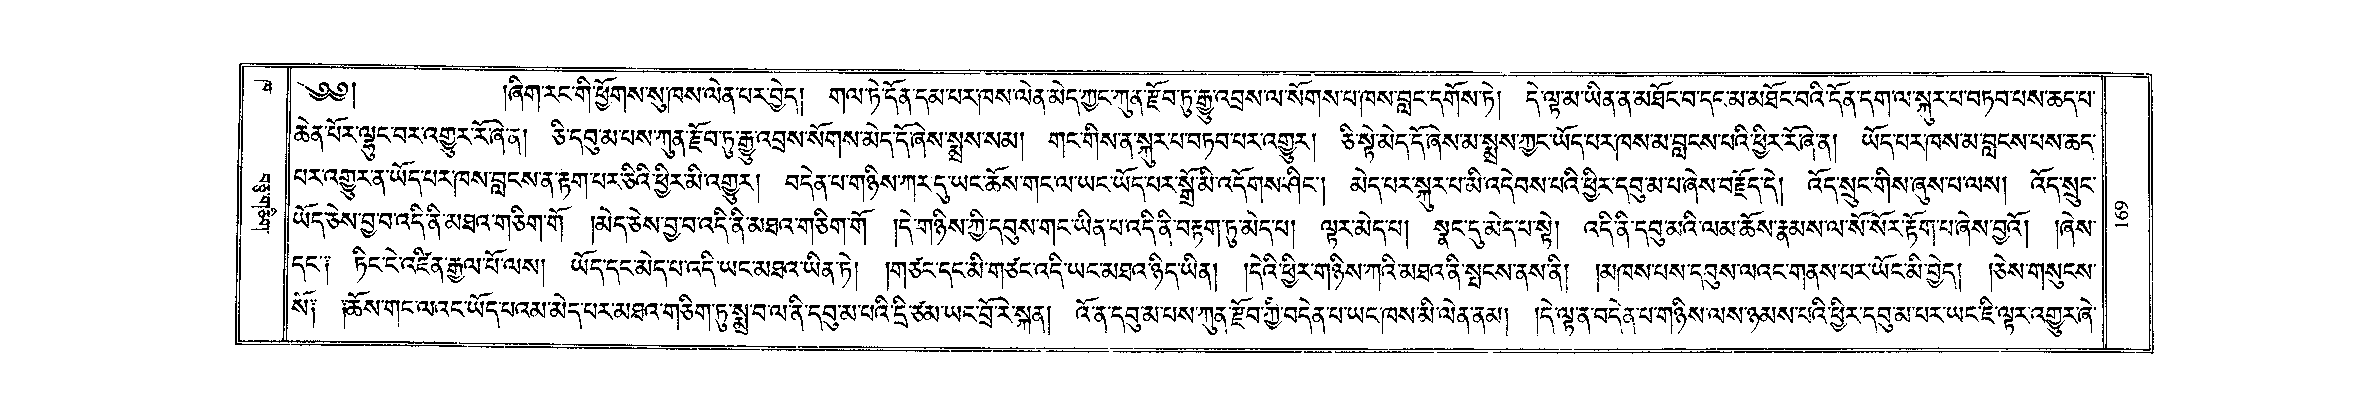༄༅། །ཞིག་རང་གི་ཕྱོགས་སུ་ཁས་ལེན་པར་བྱེད། གལ་ཏེ་དོན་དམ་པར་ཁས་ལེན་མེད་ཀྱང་ཀུན་རྫོབ་ཏུ་རྒྱུ་འབྲས་ལ་སོགས་པ་ཁས་བླང་དགོས་ཏེ། དེ་ལྟ་མ་ཡིན་ན་མཐོང་བ་དང་མ་མཐོང་བའི་དོན་དག་ལ་སྐུར་པ་བཏབ་པས་ཆད་པ་
ཆེན་པོར་ལྷུང་བར་འགྱུར་རོ་ཞེ་ན། ཅི་དབུ་མ་པས་ཀུན་རྫོབ་ཏུ་རྒྱུ་འབྲས་སོགས་མེད་དོ་ཞེས་སྨྲས་སམ། གང་གིས་ན་སྐུར་པ་བཏབ་པར་འགྱུར། ཅི་སྟེ་མེད་དོ་ཞེས་མ་སྨྲས་ཀྱང་ཡོད་པར་ཁས་མ་བླངས་པའི་ཕྱིར་རོ་ཞེ་ན། ཡོད་པར་ཁས་མ་བླངས་པས་ཆད་
པར་འགྱུར་ན་ཡོད་པར་ཁས་བླངས་ན་རྟག་པར་ཅིའི་ཕྱིར་མི་འགྱུར། བདེན་པ་གཉིས་ཀར་དུ་ཡང་ཆོས་གང་ལ་ཡང་ཡོད་པར་སྒྲོ་མི་འདོགས་ཤིང་། མེད་པར་སྐུར་པ་མི་འདེབས་པའི་ཕྱིར་དབུ་མ་པ་ཞེས་བརྗོད་དེ། འོད་སྲུང་གིས་ཞུས་པ་ལས། འོད་སྲུང་
ཡོད་ཅེས་བྱ་བ་འདི་ནི་མཐའ་གཅིག་གོ །མེད་ཅེས་བྱ་བ་འདི་ནི་མཐའ་གཅིག་གོ །དེ་གཉིས་ཀྱི་དབུས་གང་ཡིན་པ་འདི་ནི་བརྟག་ཏུ་མེད་པ། ལྟར་མེད་པ། སྣང་དུ་མེད་པ་སྟེ། འདི་ནི་དབུ་མའི་ལམ་ཆོས་རྣམས་ལ་སོ་སོར་རྟོག་པ་ཞེས་བྱའོ། །ཞེས་
དང༑ ཏིང་ངེ་འཛིན་རྒྱལ་པོ་ལས། ཡོད་དང་མེད་པ་འདི་ཡང་མཐའ་ཡིན་ཏེ། །གཙང་དང་མི་གཙང་འདི་ཡང་མཐའ་ཉིད་ཡིན། །དེའི་ཕྱིར་གཉིས་ཀའི་མཐའ་ནི་སྤངས་ནས་ནི། །མཁས་པས་དབུས་ལའང་གནས་པར་ཡོང་མི་བྱེད། །ཅེས་གསུངས་
སོ༑ ༑ཆོས་གང་ལའང་ཡོད་པའམ་མེད་པར་མཐའ་གཅིག་ཏུ་སྨྲ་བ་ལ་ནི་དབུ་མ་པའི་དྲི་ཙམ་ཡང་བྲོ་རེ་སྐན། འོ་ན་དབུ་མ་པས་ཀུན་རྫོབ་ཀྱི་བདེན་པ་ཡང་ཁས་མི་ལེན་ནམ། །དེ་ལྟ་ན་བདེན་པ་གཉིས་ལས་ཉམས་པའི་ཕྱིར་དབུ་མ་པར་ཡང་ཇི་ལྟར་འགྱུར་ཞེ་